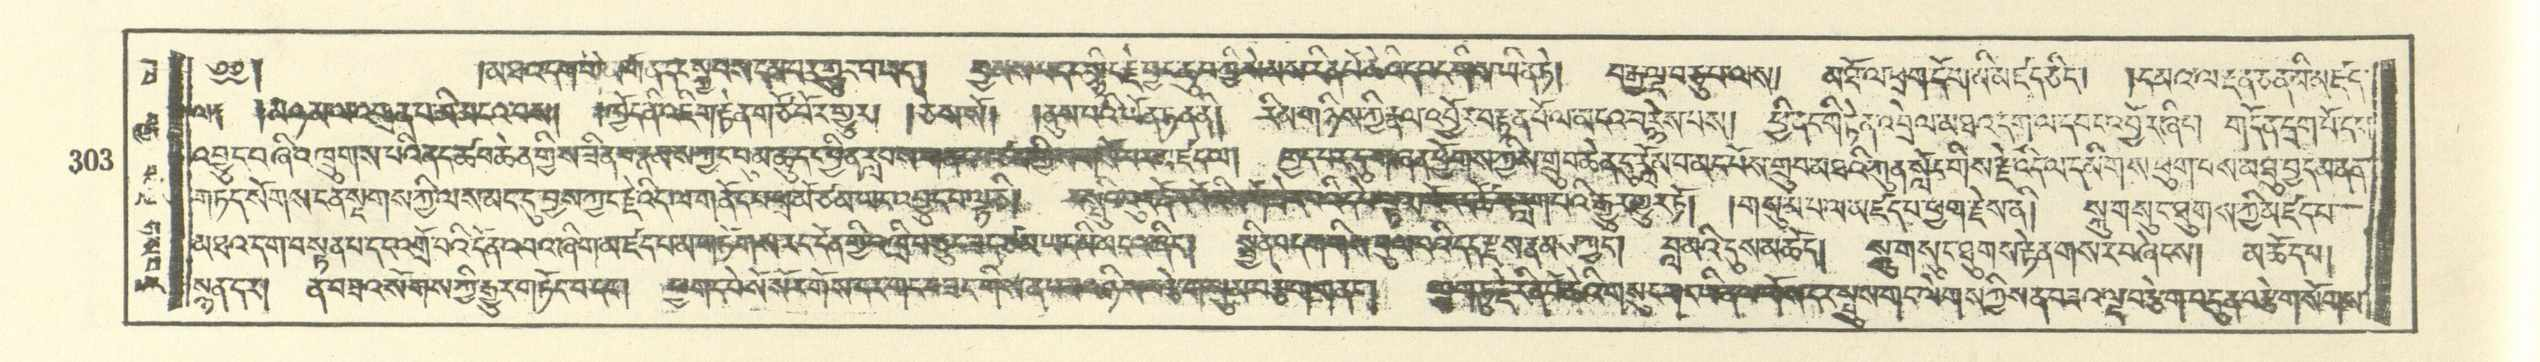༄༅། །མཐའ་དག་གི་མགོན་དང་སྐྱབས་དམ་པར་གྱུར་པ་ཡད། བྱམས་པ་དང་སྙིང་རྗེ་བྱང་ཆུབ་ཀྱི་སེམས་རིན་པོ་ཆེའི་དབང་གིས་ཡིན་ཏེ། བརྒྱ་ལྔ་བཅུ་བ་ལས། མཐོ་ལ་ཕྲག་དོག་མི་མཛད་ཅིང་། །དམའ་ལ་རྔན་ཅན་མི་མཛད་
ལ༑ །མཉམ་ལ་འགྲན་པ་མི་མངའ་བས། །ཁྱོད་ནི་འཇིག་རྟེན་གཙོ་བོར་གྱུར། །ཅེས་སོ། །ནུས་པའི་ཡོན་ཏན་ནི། རིམ་གཉིས་ཀྱི་རྣལ་འབྱོར་བརྟན་པོ་ལ་མངའ་བརྙེས་པས། ཕྱི་ནང་གི་རྟེན་འབྲེལ་མཐའ་དག་ལ་དབང་འབྱོར་ཞིང་། གདོན་དྲག་པོ་དང་།
འབྱུང་བཞི་འཁྲུགས་པའི་ནད་ཚབ་ཆེན་གྱིས་ཟིན་པ་རྣམས་ཀྱང་བུམ་ཆུ་དང་བྱིན་རླབས་གནང་བ་ཙམ་གྱིས་གསོ་བར་མཛད་ལ། ཁྱད་པར་དུ་གཞན་ཕྱོགས་ཀྱིས་གྲུབ་ཆེན་དུ་རློམ་པ་མང་པོས་གྲུབ་མཐའི་ཀུན་སློང་གིས་རྗེ་འདི་ལ་དམིགས་ཕུག་པས་མཐུ་བྱ་དམན་ན་
གཏད་སོགས་ངན་སྔགས་ཀྱི་ལས་མང་དུ་བྱས་ཀྱང་རྗེའི་དལ་གནོད་པ་ཕྲ་མོ་ཙམ་ཡང་འབྱུང་བ་ལྟ་ཅི། ར་སྤུའི་འུར་རྡོར་བོའི་མགོ་ཟེར་བའི་དཔེ་ལྟར་ཁོ་རང་ཚོ་བརླག་པའི་རྒྱུར་གྱུར་ཏོ། །གསུམ་པ་ལ་མཛད་པ་ཕྱག་རྗེས་ནི། སྐུ་གསུང་ཐུགས་ཀྱི་མཛད་པ་
མཐའ་དག་བསྟན་པ་དང་འགྲོ་བའི་དོན་འབའ་ཞིག་མཛད་པ་མ་གཏོགས་རང་དོན་གྱི་འཁྲིབ་ཅུང་ཟད་ཙམ་ཡང་མི་མངའ་ཞིང་། སྦྱིན་བདག་གིས་ཕུལ་བའི་དད་རྫས་རྣམས་ཀྱང་། བླ་མའི་དུས་མཆོད། སྐུ་གསུང་ཐུགས་རྟེན་གསར་བཞེངས། མཆོད་པ།
སྙན་དར། ན་བཟའ་སོགས་ཀྱི་རྒྱུར་གཏོང་བ་དང་། ཕྱག་དཔེ་སོ་སོར་གོས་དར་གང་བཟང་གིས་ན་བཟའ་ཉིས་བརྩེག་སུམ་བརྩེག་གནང་། ལྷག་ཏུ་རྗེ་རིན་པོ་ཆེའི་གསུང་གང་ཡིན་ལ་གོས་ངར་སྤུས་གང་ལེགས་ཀྱིས་ན་བཟའ་ལྔ་བརྩེག་བདུན་བརྩེག་སོགས་